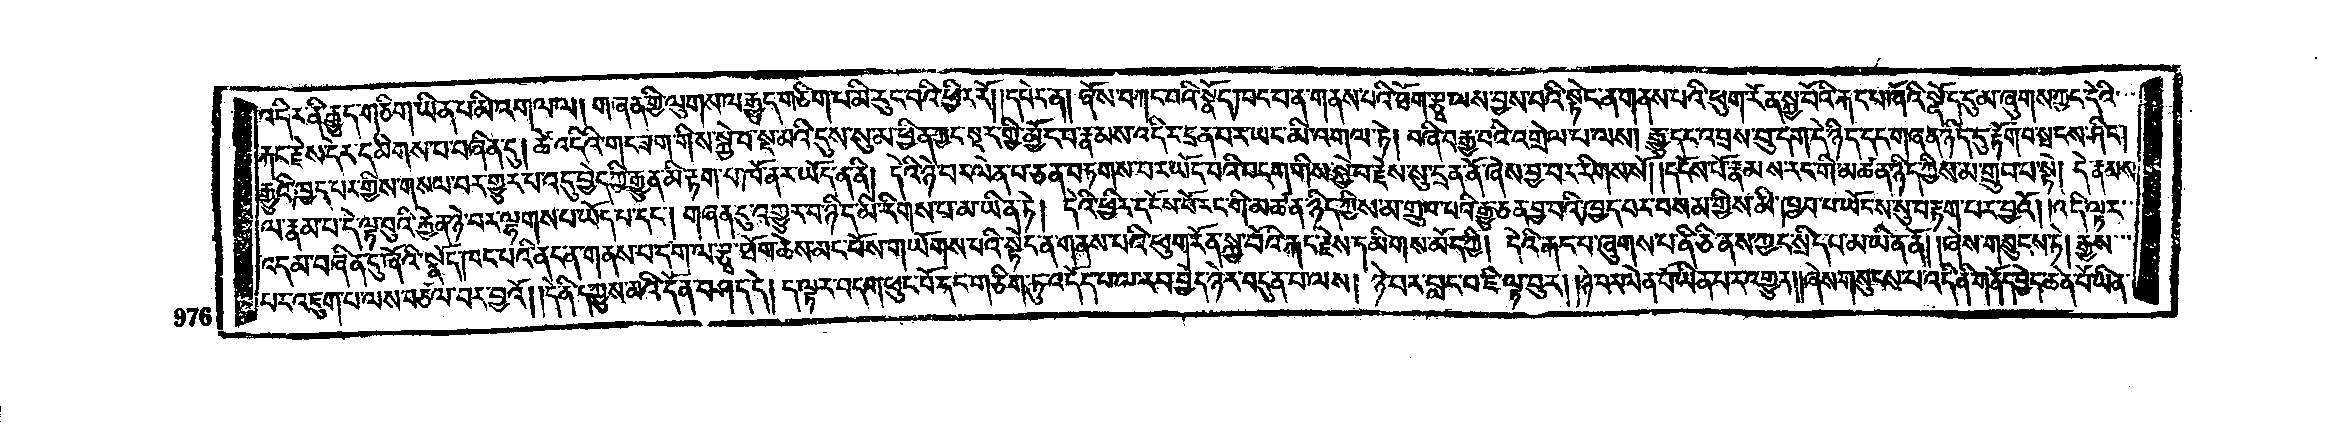འདིར་ནི་རྒྱུད་གཅིག་ཡིན་པ་མི་འགལ་ལ། གཞན་གྱི་ལུགས་ལ་རྒྱུད་གཅིག་པ་མི་རུང་བའི་ཕྱིར་རོ། །དཔེར་ན། ཞོས་བཀང་བའི་སྣོད་ཁང་པ་ན་གནས་པའི་ཐོག་རྩྭ་ལས་བྱས་པའི་སྟེང་ན་གནས་པའི་ཕུག་རོན་སྐྱ་བོའི་རྐང་པ་ཞོའི་སྣོད་དུ་མ་ཞུགས་ཀྱང་དེའི་
རྐང་རྗེས་དེར་དམིགས་པ་བཞིན་དུ། ཚེ་འདིའི་གང་ཟག་གིས་སྐྱེ་བ་སྔ་མའི་དུས་སུ་མ་ཕྱིན་ཀྱང་སྔར་གྱི་མྱོང་བ་རྣམས་འདིར་དྲན་པར་ཡང་མི་འགལ་ཏེ། བཞི་བརྒྱ་པའི་འགྲེལ་པ་ལས། རྒྱུ་དང་འབྲས་བུ་དག་དེ་ཉིད་དང་གཞན་ཉིད་དུ་རྟོག་པ་སྤངས་ཤིང་།
རྒྱུའི་ཁྱད་པར་གྱིས་གསལ་བར་གྱུར་པ་འདུ་བྱེད་ཀྱི་རྒྱུན་མི་རྟག་པ་ཁོ་ནར་ཡོད་ན་ནི། དེའི་ཉེ་བར་ལེན་པ་ཅན་བཏགས་པར་ཡོད་པའི་བདག་གིས་སྐྱེ་བ་རྗེས་སུ་དྲན་ནོ་ཞེས་བྱ་བར་རིགས་སོ། །དངོས་པོ་རྣམས་རང་གི་མཚན་ཉིད་ཀྱིས་མ་གྲུབ་པ་སྟེ། དེ་རྣམས་
ལ་རྣམ་པ་དེ་ལྟ་བུའི་རྐྱེན་ཉེ་བར་ལྷགས་པ་ཡོད་པ་དང་། གཞན་དུ་འགྱུར་བ་ཉིད་མི་རིགས་པ་མ་ཡིན་ཏེ། དེའི་ཕྱིར་དངོས་པོ་རང་གི་མཚན་ཉིད་ཀྱིས་མ་གྲུབ་པའི་རྒྱུ་ཅན་བྱ་བའི་ཁྱད་པར་བསམ་གྱིས་མི་ཁྱབ་པ་ཡོངས་སུ་བརྟག་པར་བྱའོ། །འདི་ལྟར་
འདམ་བཞིན་དུ་ཞོའི་སྣོད་ཁང་བའི་ནང་ན་གནས་པ་དག་ལ་རྩྭ་ཐོག་ཆེས་མང་པོས་གཡོགས་པའི་སྟེང་ན་གནས་པའི་ཕུག་རོན་སྐྱ་བོའི་རྐང་རྗེས་དམིགས་མོད་ཀྱི། དེའི་རྐང་པ་ཞུགས་པ་ནི་ཅི་ནས་ཀྱང་སྲིད་པ་མ་ཡིན་ནོ། །ཞེས་གསུངས་ཏེ། རྒྱས་
པར་འཇུག་པ་ལས་བཙལ་བར་བྱའོ། །ད་ནི་དཀྱུས་མའི་དོན་བཤད་དེ། དེ་ལྟར་བདག་ཕུང་པོ་དང་གཅིག་ཏུ་འདོད་པ་ལ་རབ་བྱེད་ཉེར་བདུན་པ་ལས། ཉེ་བར་བླང་བ་ཇི་ལྟ་བུར། །ཉེ་བར་ལེན་པོ་ཡིན་པར་འགྱུར། །ཞེས་གསུངས་པ་འདི་ནི་གནོད་བྱེད་ཆེན་པོ་ཡིན་